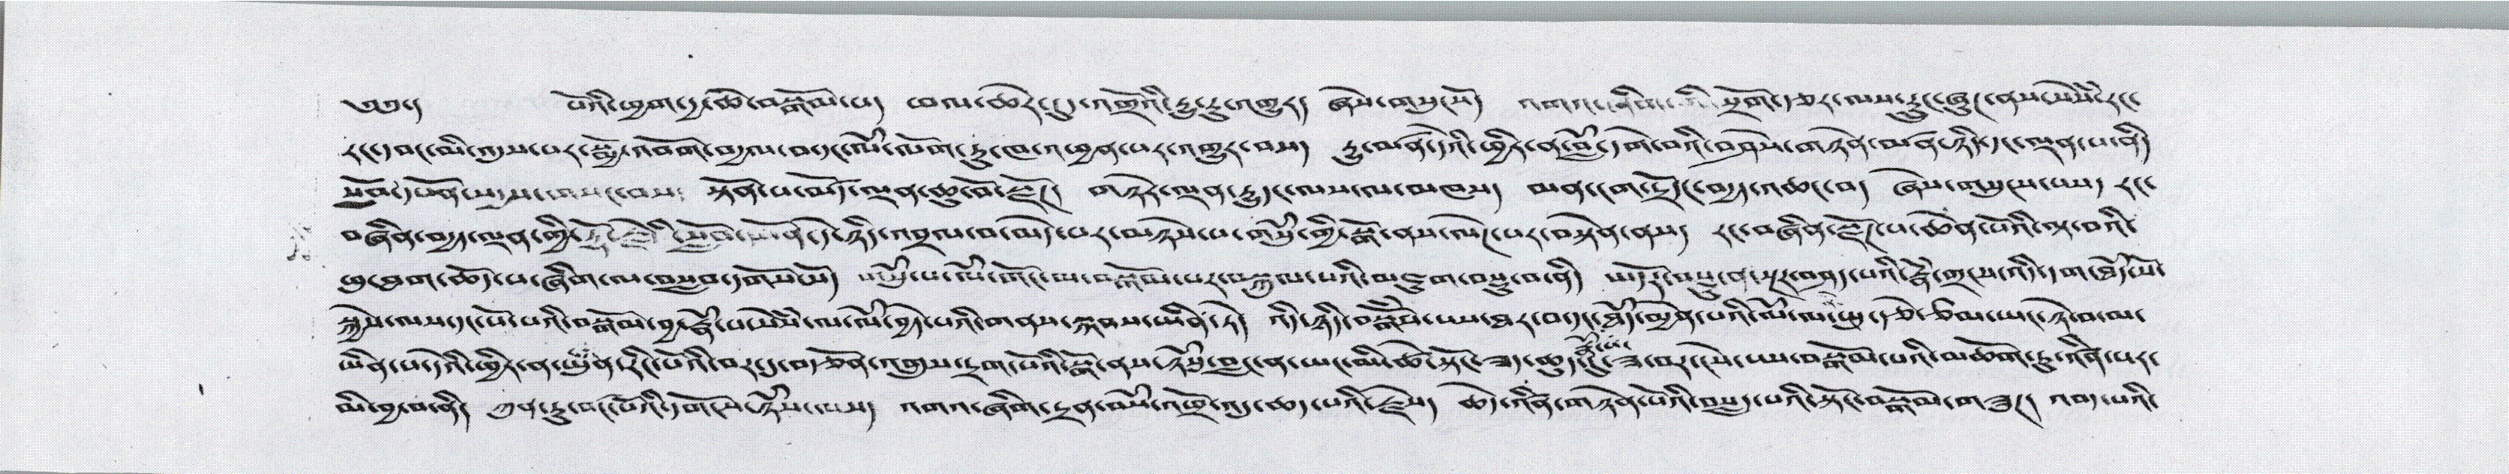པོའི་ཕྱག་རྒྱ་ཆེ་བསྒོམ་པ། ཕལ་ཆེར་དུད་འགྲོའི་རྒྱུ་རུ་འགྱུར། ཞེས་གསུངས་སོ། འགའ་ཞིག་གི་སྲོག་རྩར་ལས་རླུང་ཞུགས་ནས་སེམས་རང་
དབང་མི་འདུས་པར་སྨྱོ་འབོག་བརྒྱལ་བ་དང་ལམ་ལོག་ཏུ་ཁ་འཕྱན་པར་འགྱུར་བས། རྒྱུ་མཚན་དེའི་ཕྱིར་ན་བླ་མ་དགེ་བའི་བཤེས་གཉེན་མཚན་ཉིད་དང་ལྡན་པ་ནི། 
སློབ་དཔོན་སངས་རྒྱས་གསང་བས། སྟོན་པ་མཛོད་ལྡན་ཆུ་བོ་རྫོགས། གཉེར་ལྡན་རྒྱུད་དང་ལས་ལ་མཁས། མན་ངག་དྲོད་དང་བརྒྱད་འཆང་བ། ཞེས་གསུངས་པས། རང་
བཞིན་བརྒྱད་ལྡན་གྱི་རྡོ་རྗེའི་སློབ་དཔོན་དེ་ཉིད་འབྲལ་བ་མེད་པར་མཉེས་པ་གསུམ་གྱི་སྒོ་ནས་ལེགས་པར་བསྟེན་ནས། རང་བཞིན་རྫོགས་པ་ཆེན་པོའི་ལྟ་བའི་
ཕུ་ཐག་ཆོད་པ་ཞིག་ལ་བསླབ་དགོས་སོ། གསུམ་པ་ལམ་གོང་མ་བསྒོམ་པར་བསྐུལ་བའི་མཇུག་བསྡུ་བ་ནི། མདོར་བསྡུ་ན་སྔར་བཤད་པའི་རྣམ་གྲངས་འདི་དག་ཐམས་ཅད་སོ་
སྐྱེས་ལས་དང་པོ་པའི་བསྒོམ་བྱ་རྣམ་པ་སེམས་ལ་ལམ་བྱེད་པའི་གནས་སྐབས་ཡིན་ཏེ། འདི་ཉིད་བསྒོམས་པས་ཐར་བ་དང་རྣམ་པ་ཐམས་ཅད་མཁྱེན་པའི་ལམ་ལ་ནི་སྤུ་རྩེ་ཙམ་ཡང་ཉེ་བ་མ་
ཡིན་པ་དེའི་ཕྱིར་ན་ཡུན་རིང་པོའི་བར་དུ་བརྩོན་འགྲུས་དྲག་པོའི་སྒོ་ནས་ཉམས་སུ་བླང་ན་ཡང་མི་ཚེ་སྟོང་ཟད་ཆུད་དུ་ཟ་བར་ངེས་པས་བསྒོམ་པའི་མཆོག་ཏུ་འཛིན་པར་
མི་བྱ་བ་ནི། ཀུན་ཏུ་བཟང་པོའི་དགོངས་ཉམས་པས། འགའ་ཞིག་དྲན་བསམ་འཕྲོ་འདུ་ཆད་པའི་རྗེས། ཆེད་འཛིན་གཉེན་པོའི་བསླད་པའི་སྟོང་བསྒོམ་གཟུགས། འབད་པའི་